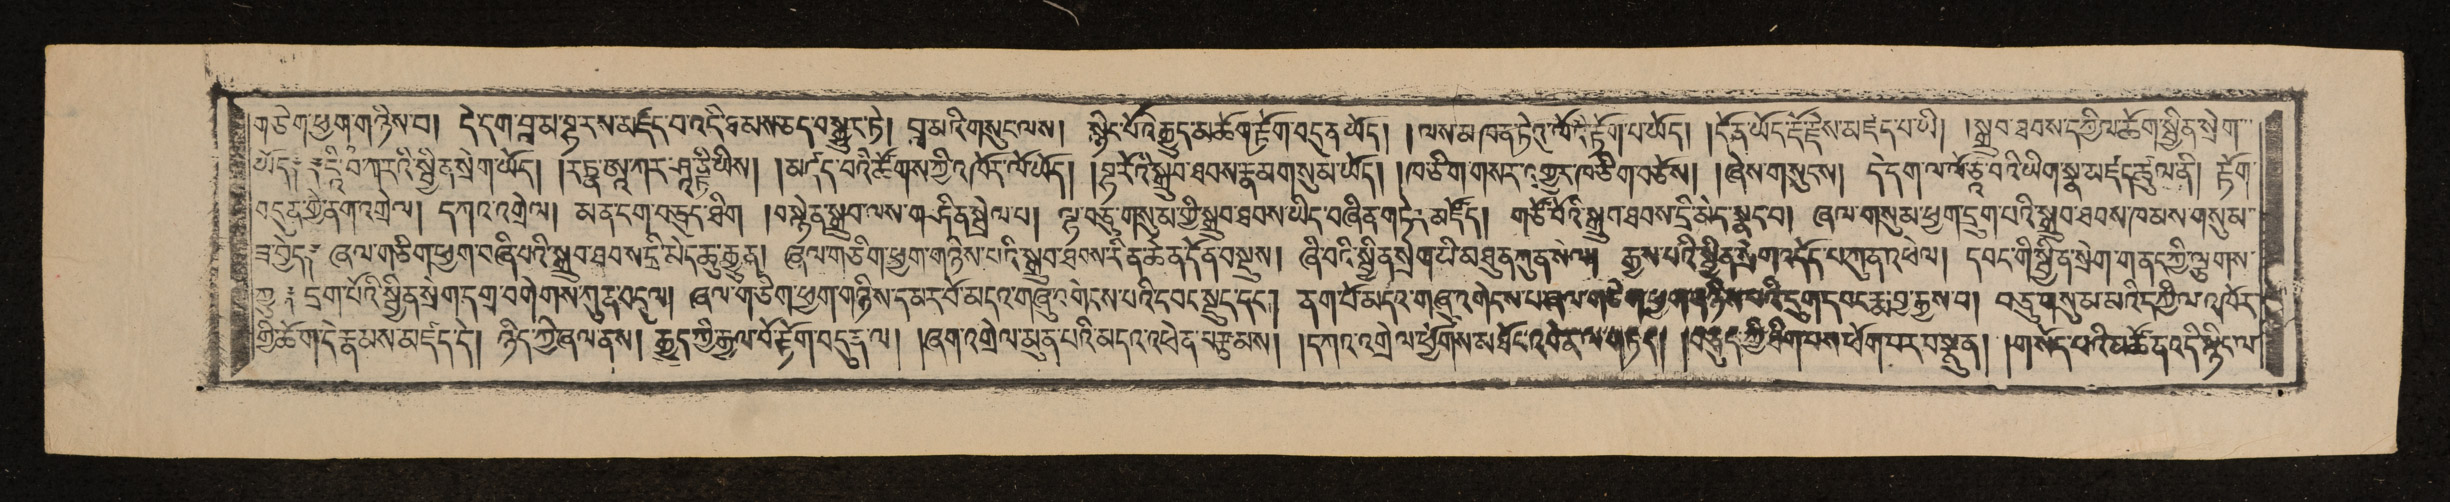གཅིག་ཕྱག་གཉིས་པ། དེ་དག་བླ་མ་བྷ་རོས་མཛད་པ་འདི་ཐམས་ཅད་བསྒྱུར་ཏེ། བླ་མའི་གསུང་ལས། སྙིང་པོའི་རྒྱུད་མཆོག་རྟོག་བདུན་ཡོད། །ལས་མཁན་ཏེའུ་ལོའི་རྟོག་པ་ཡོད། །དོན་ཡོད་རྡོ་རྗེས་མཛད་པ་ཡི། །སྒྲུབ་ཐབས་དཀྱིལ་ཆོག་སྦྱིན་སྲེག་
ཡོད༑ ༑དཱི་བཾ་ཀ་རའི་སྦྱིན་སྲེག་ཡོད། །རཏྣ་ཨཱ་ཀར་ཤཱནྟི་ཡིས། །མཛད་པའི་ཚོགས་ཀྱི་འཁོར་ལོ་ཡོད། །བྷ་རོའི་སྒྲུབ་ཐབས་རྣམ་གསུམ་ཡོད། །ཁ་ཅིག་གསར་འགྱུར་ཁ་ཅིག་བཅོས། །ཞེས་གསུངས། དེ་དག་ལ་ལོ་ཙཱ་བའི་ཡིག་སྣ་མཛད་ཚུལ་ནི། རྟོག་
བདུན་གྱི་ནག་འགྲེལ། དཀའ་འགྲེལ། མན་ངག་བཅུད་ཐིག །བསྙེན་སྒྲུབ་ལས་གཤིན་སྦྲེལ་པ། ལྷ་བཅུ་གསུམ་གྱི་སྒྲུབ་ཐབས་ཡིད་བཞིན་གཏེར་མཛོད། གཙོ་བོའི་སྒྲུབ་ཐབས་དྲི་མེད་སྣང་བ། ཞལ་གསུམ་ཕྱག་དྲུག་པའི་སྒྲུབ་ཐབས་ཁམས་གསུམ་
ཟ་བྱེད། ཞལ་གཅིག་ཕྱག་བཞི་པའི་སྒྲུབ་ཐབས་དྲི་མེད་ཆུ་རྒྱུན། ཞལ་གཅིག་ཕྱག་གཉིས་པའི་སྒྲུབ་ཐབས་རིན་ཆེན་དོན་བསྡུས། ཞི་བའི་སྦྱིན་སྲེག་མི་མཐུན་ཀུན་སེལ། རྒྱས་པའི་སྦྱིན་སྲེག་འདོད་པ་ཀུན་འཕེལ། དབང་གི་སྦྱིན་སྲེག་གནད་ཀྱི་ལྕགས་
ཀྱུ༑ དྲག་པོའི་སྦྱིན་སྲེག་དགྲ་བགེགས་ཀུན་འདུལ། ཞལ་གཅིག་ཕྱག་གཉིས་དམར་པོ་མདའ་གཞུ་འགེངས་པའི་དབང་སྡུད་དང་། ནག་པོ་མདའ་གཞུ་འགེངས་པ་ཞལ་གཅིག་ཕྱག་གཉིས་པའི་དུག་དབང་རྨ་བྱ་རྒྱས་པ། བཅུ་གསུམ་མའི་དཀྱིལ་འཁོར་
གྱི་ཆོ་ག་དེ་རྣམས་མཛད་དེ། ཉིད་ཀྱི་ཞལ་ནས། རྒྱུད་ཀྱི་རྒྱལ་པོ་རྟོག་བདུན་ལ། །ནག་འགྲེལ་མུན་པའི་མདའ་འཕེན་བརྩམས། །དཀའ་འགྲེལ་ཕྱོགས་མཐོང་འབེན་ལ་གཏད། །བཅུད་ཀྱི་ཐིག་པས་ཕོག་པར་བསྣུན། །གསོད་པའི་མཚོན་འདི་སྙིང་ལ་